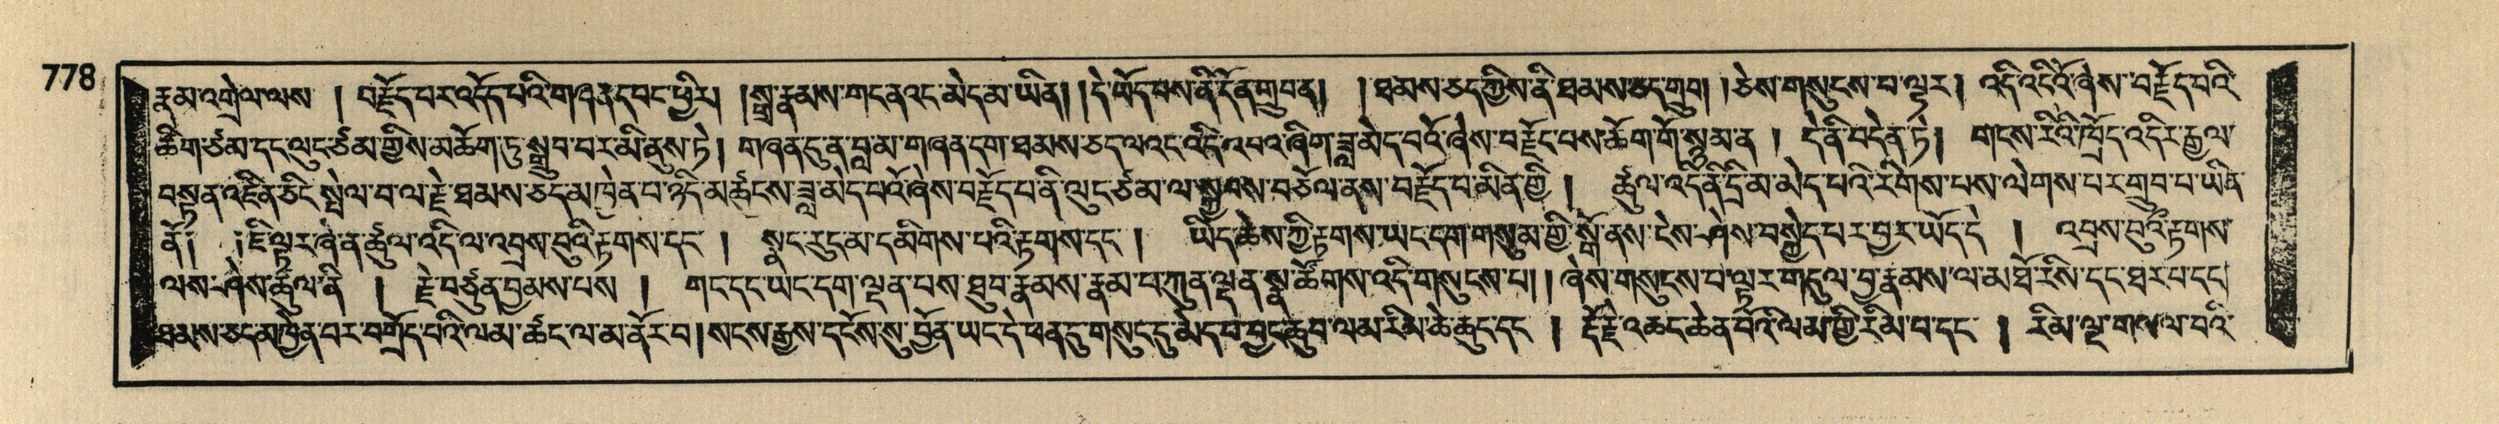རྣམ་འགྲེལ་ལས། བརྗོད་པར་འདོད་པའི་གཞན་དབང་ཕྱིར། །སྒྲ་རྣམས་གང་ནའང་མེད་མ་ཡིན། །དེ་ཡོད་བས་ནི་དོན་གྲུབ་ན། །ཐམས་ཅད་ཀྱིས་ནི་ཐམས་ཅད་གྲུབ། །ཅེས་གསུངས་པ་ལྟར། འདི་འདིའོ་ཞེས་བརྗོད་བའི་
ཚིག་ཙམ་དང་ལུང་ཙམ་གྱིས་མཆོག་ཏུ་སྒྲུབ་པར་མི་ནུས་ཏེ། གཞན་དུ་ན་བླ་མ་གཞན་དག་ཐམས་ཅད་ལའང་འདི་འབའ་ཞིག་ཟླ་མེད་བའོ་ཞེས་བརྗོད་པས་ཆོག་གོ་སྙམ་ན། དེ་ནི་བདེན་ཏེ། གསངས་རིའི་ཁྲོད་འདིར་རྒྱལ་
བསྟན་འཛིན་ཅིང་སྤེལ་བ་ལ་རྗེ་ཐམས་ཅད་མཁྱེན་པ་ཉིད་མཚུངས་ཟླ་མེད་པའོ་ཞེས་བརྗོད་པ་ནི་ལུང་ཙམ་ལ་སྐྱབས་བཅོལ་ནས་བརྗོད་བ་མིན་གྱི། ཚུལ་འདི་ནི་དྲི་མ་མེད་པའི་རིགས་པས་ལེགས་པར་གྲུབ་པ་ཡིན་
ནོ༑ ༑ཇི་ལྟར་ཞེ་ན་ཚུལ་འདི་ལ་འབྲས་བུའི་རྟགས་དང་། སྣང་རུང་མ་དམིགས་པའི་རྟགས་དང་། ཡིད་ཆེས་ཀྱི་རྟགས་ཡང་དག་གསུམ་གྱི་སྒོ་ནས་ངེས་ཤེས་བསྐྱེད་པར་བྱར་ཡོད་དེ། འབྲས་བུཨཱྀ་རྟགས་
ལས་ཤེས་ཚུལ་ནི། རྗེ་བཙུན་བྱམས་པས། གང་དང་ཡང་དག་ལྡན་པས་ཐུབ་རྣམས་རྣམ་པ་ཀུན་ལྡན་སྣ་ཚོགས་འདི་གསུངས་པ། །ཞེས་གསུང་པ་ལྟར་གདུལ་བྱ་རྣམས་ལ་མཐོ་རིས་དང་ཐར་པ་དང་།
ཐམས་ཅད་མཁྱེན་པར་བགྲོད་པའི་ལམ་ཚང་ལ་མ་ནོར་བ། སངས་རྒྱས་དངོས་སུ་བྱོན་ཡང་དེ་ཕན་དུ་གསུང་དུ་མེད་བ་བྱང་ཆུབ་ལམ་རིམ་ཆེ་ཆུང་དང་། རྡོ་རྗེ་འཆང་ཆེན་པོའི་ལམ་གྱི་རིམ་བ་དང་། རིམ་ལྔ་གསལ་བའི་